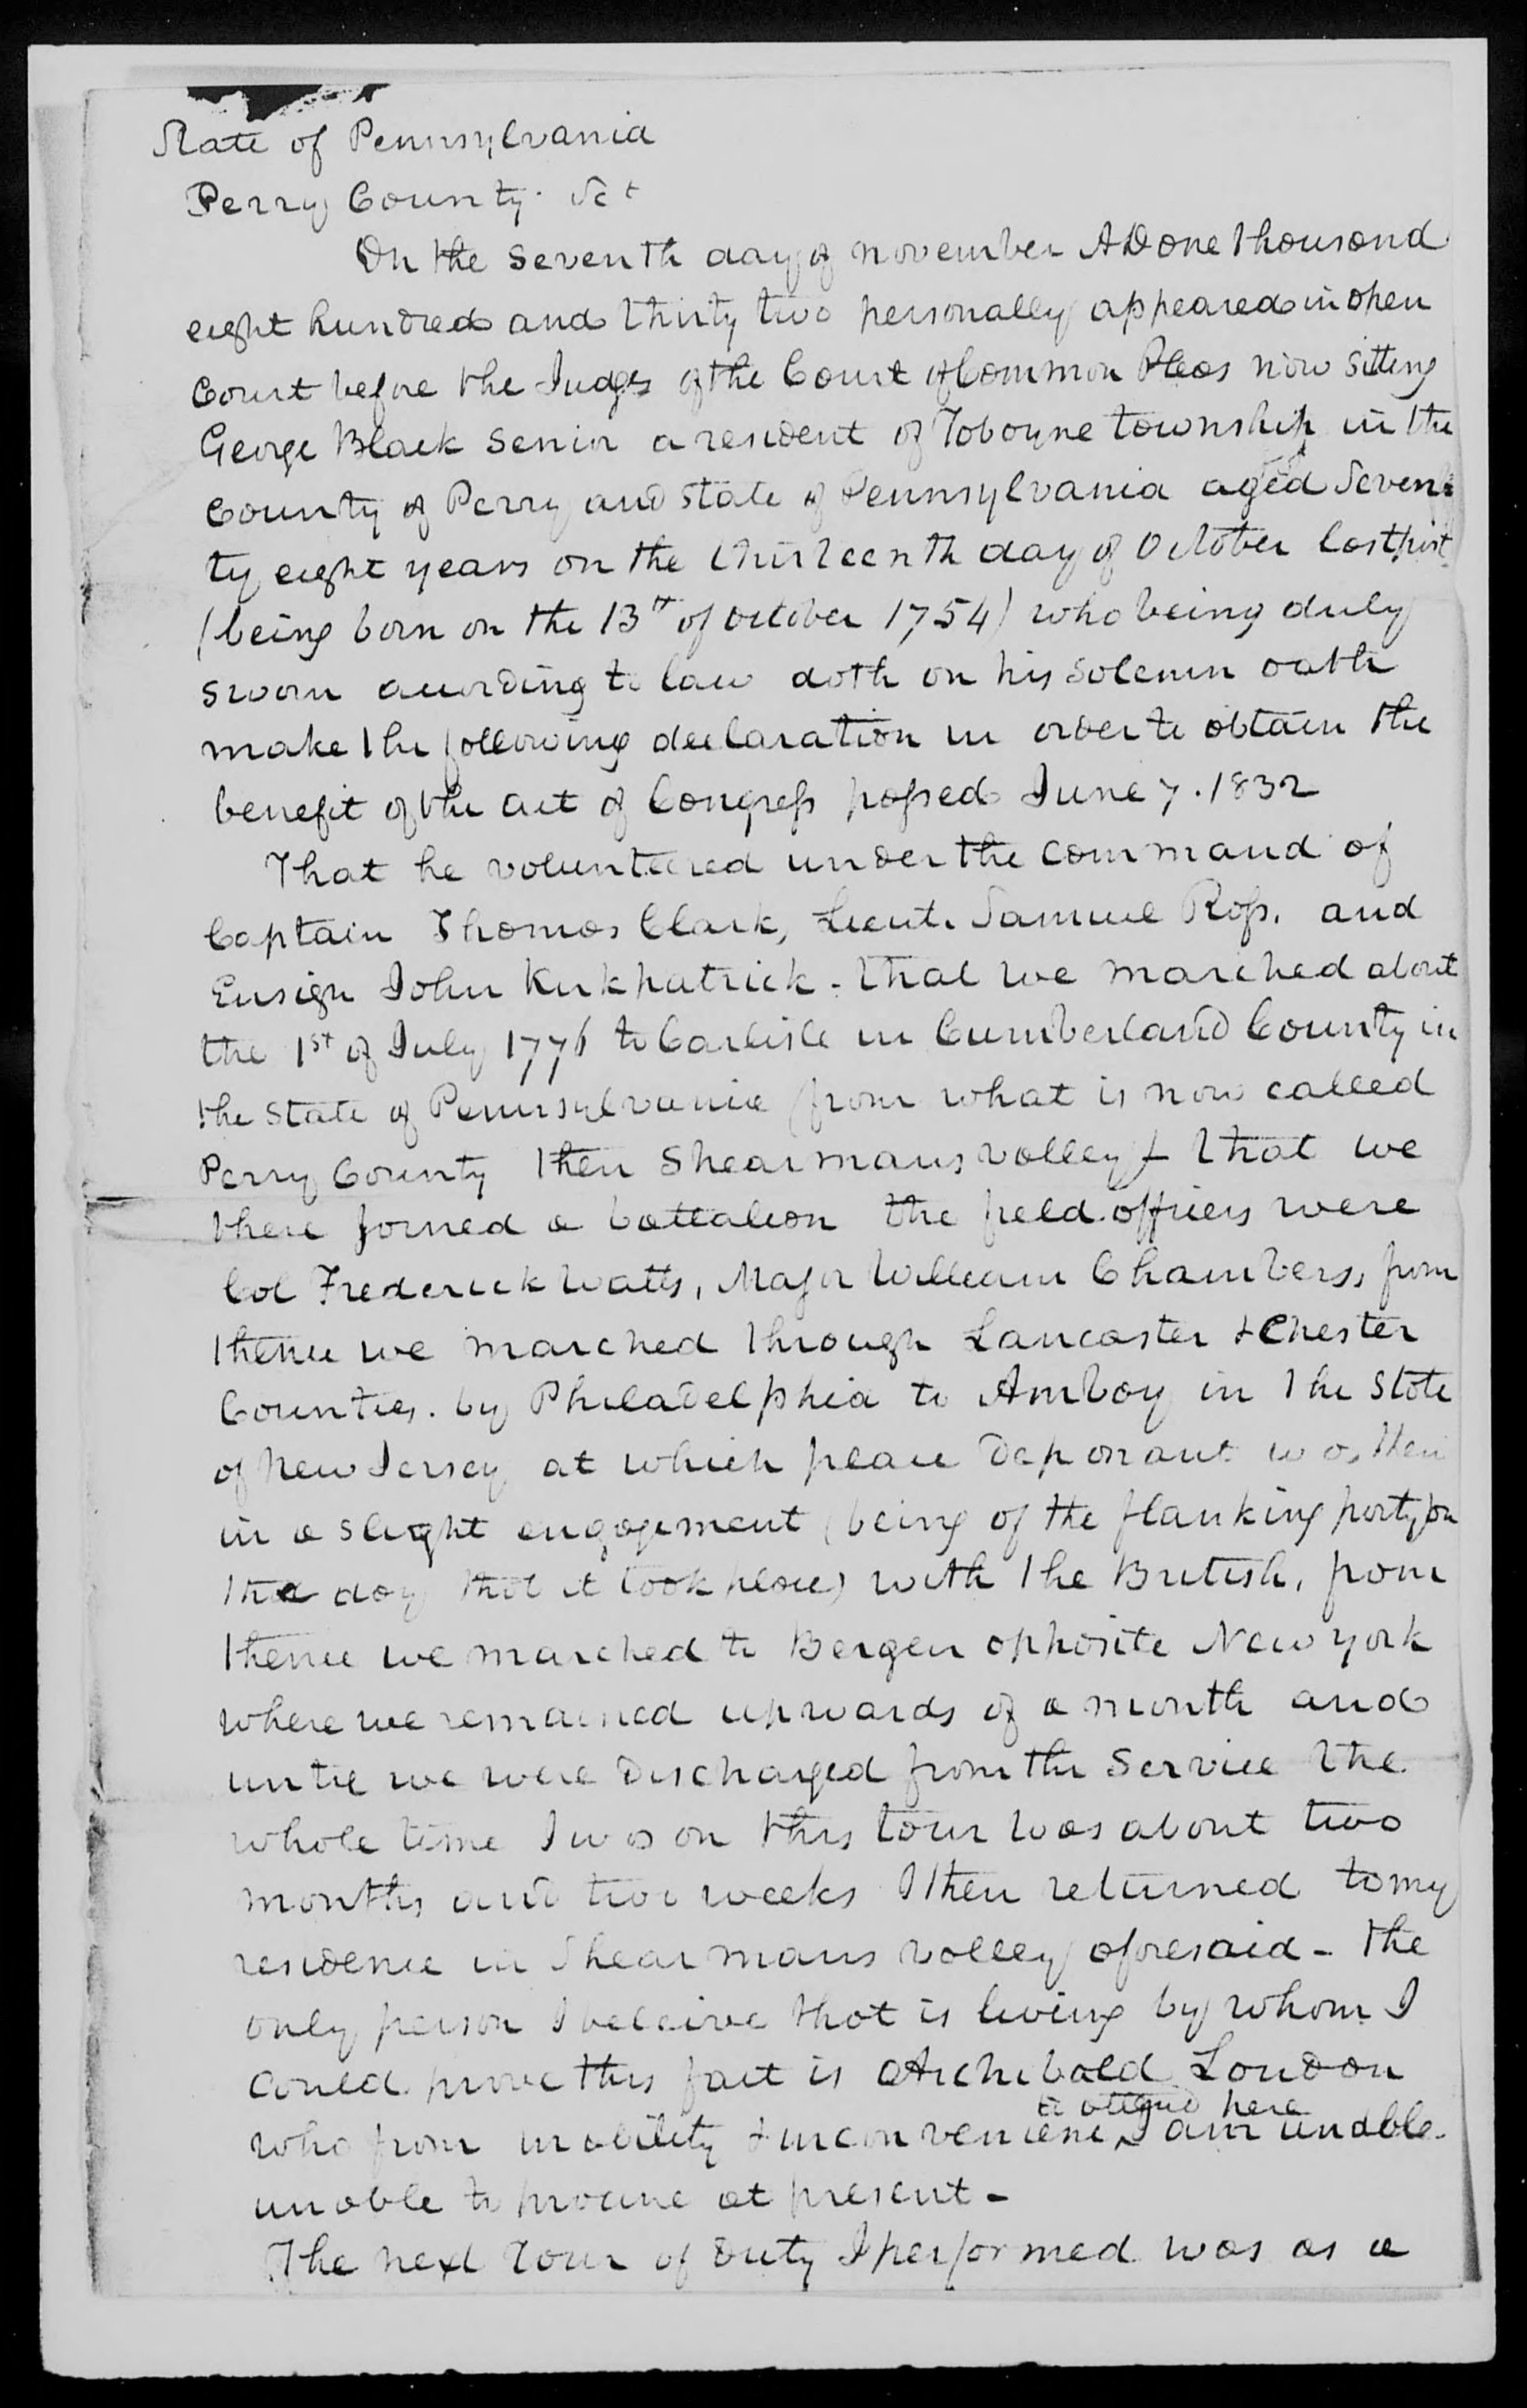State of Pennsylvania
Perry County [illegible]
On the seventh day of November AD one thousand eight hundred and thirty two personally appeared in open court before the Judge of the Court of Commons Pleas now sitting George Black Senior a resident of Toboyne township in the County of Perry and State of Pennsylvania aged Seventy eight years on the thirteenth day of October [illegible] (being born on the 13th of October 1754) who being duly sworn according to law doth on his solemn oath make the following declaration in order to obtain the benefit of the Act of Congress passed June 7. 1832
That he volunteered under the command of Captain Thomas Clark, Lieut. Samuel Ross and Ensing John Kirkpatrick that we marched about the 1st of July 1776 to Carlisle in Cumberland County in the State of Pennsylvania from what is now called Perry County Then Shearmans volley-that we there formed a battalion the field offices were Col Frederick Watts, Major William Chambers, from there we marched through Lancaster & Chester Counties. by Philadelphia to Amboy in the State of New Jersey at which place deponent [illegible] then in a slight engagement (being of the flanking party) on the day that it took place) with the British, from there we marched to Bergen opposite New York where we remained upwards of a month and until we were discharged from the Service the whole time I was on this tour was about two months and two weeks.  Then returned to my residence in Shearmans volley aforesaid-the only person I believe that is living by whom I could prove this fact is Archibold London who from inability inconvenience [illegible] here own unable.  Unable to procure at present- The next tour of Duty I performed was a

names: George Black, Samuel Ross, Ensign John Kirkpatrick, William Chambers, Thomas Clark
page: 5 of 30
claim: widow's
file: W. 3211, George Black, Penn.